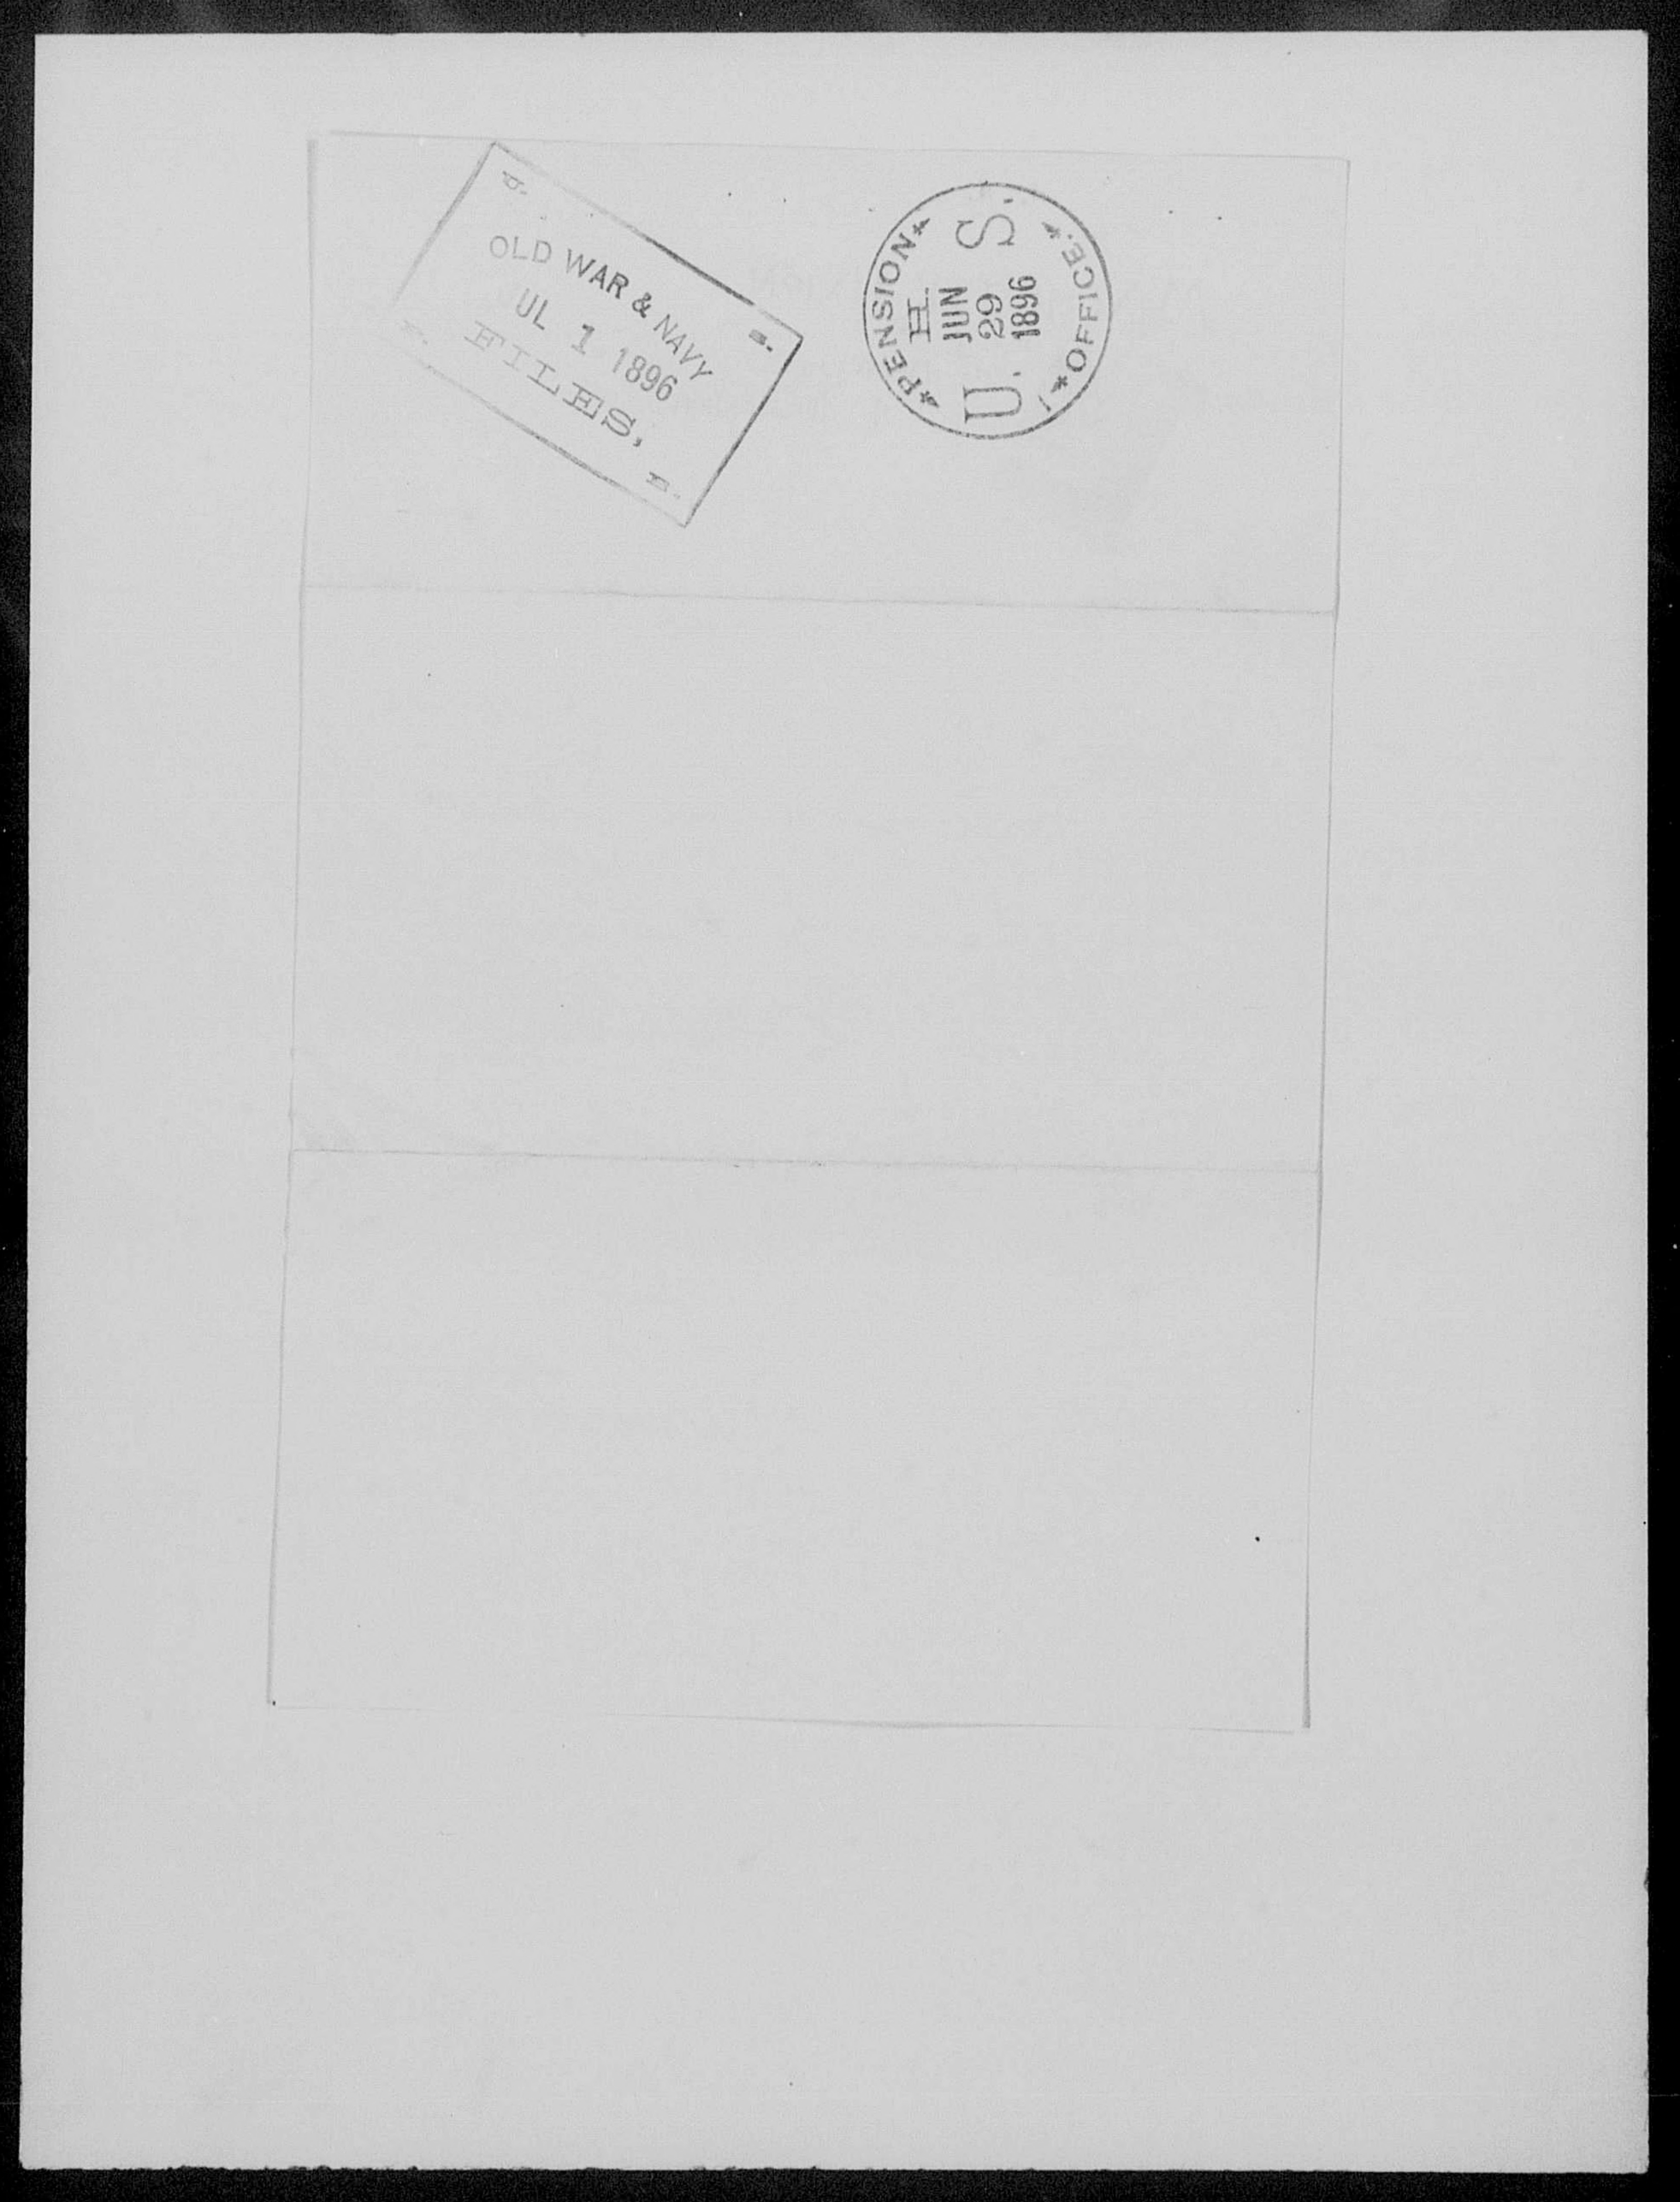[Imprint of stamp to the left]
OLD WAR & NAVY JUL 1 1896 FILES
 
[Imprint of stamp to the right]
PENSION U.S. JUN 29 1896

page: 41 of 56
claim: survivor's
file: S. 40,055, Samuel Downing, N.H.